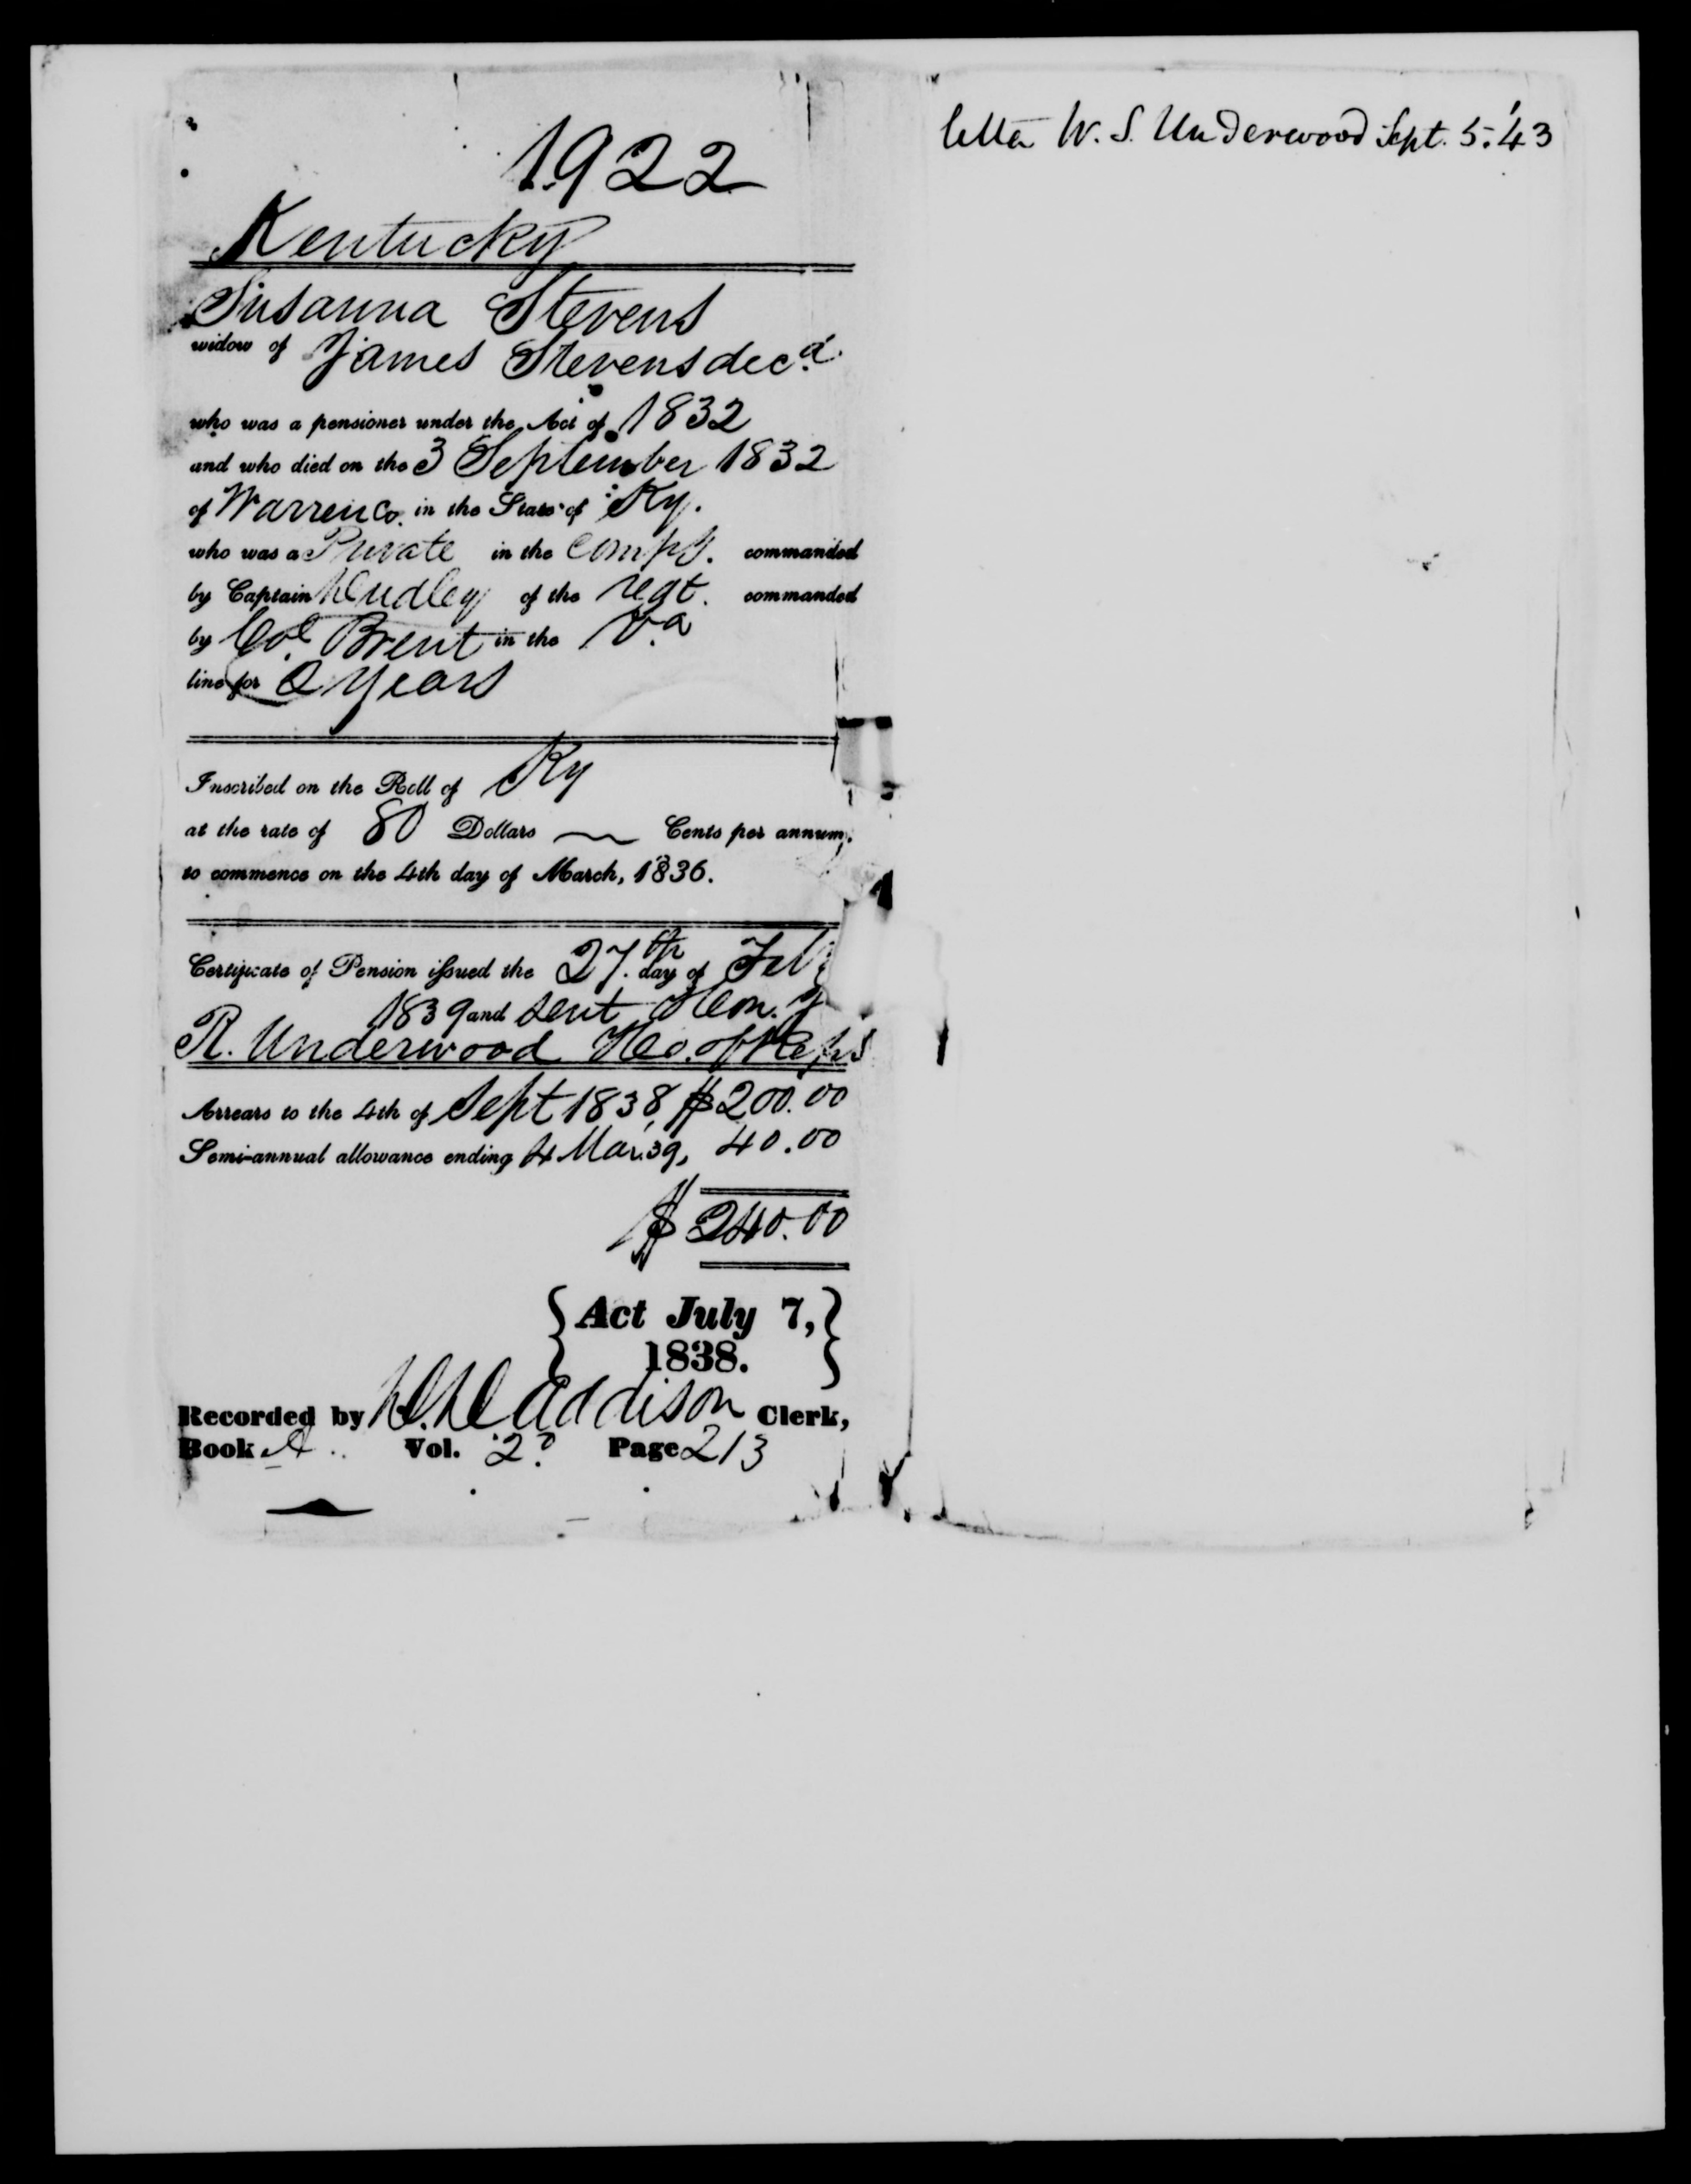1922
Kentucky
Susanna Stevens
widow of James Stevens decd
who was a pensioner under the Act of 1832 and who died on the 3 September 1832 of Warren Co in the State of Ky who was a Private in the compy commanded by Captain Dudley of the regt commanded by Col Brent in the Va line for 2 years
Inscribed on the Roll of Ky at the rate of 80 Dollars [squiggly line] Centers per annum to commence on the 4th day of March, 1836.
Certificate of Pension issued the 27th day of Feb 1839 and sent Hon J[maybe partially cut off] R. Underwood, Heo of Reps
Arrears to the 4th of Sept 1838, $200.00 Semi-annual allowance ending 4 Mar '39, 40.00
$240.00
Act July 7, 1838
Recorded by D. D. Addison, Clerk,
Book A Vol 2 [could be a d or 0] Page 213

letter W. S. Underwood Sept 5.'43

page: 91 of 99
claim: widow's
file: W 8766, for James Stevens, Virginia